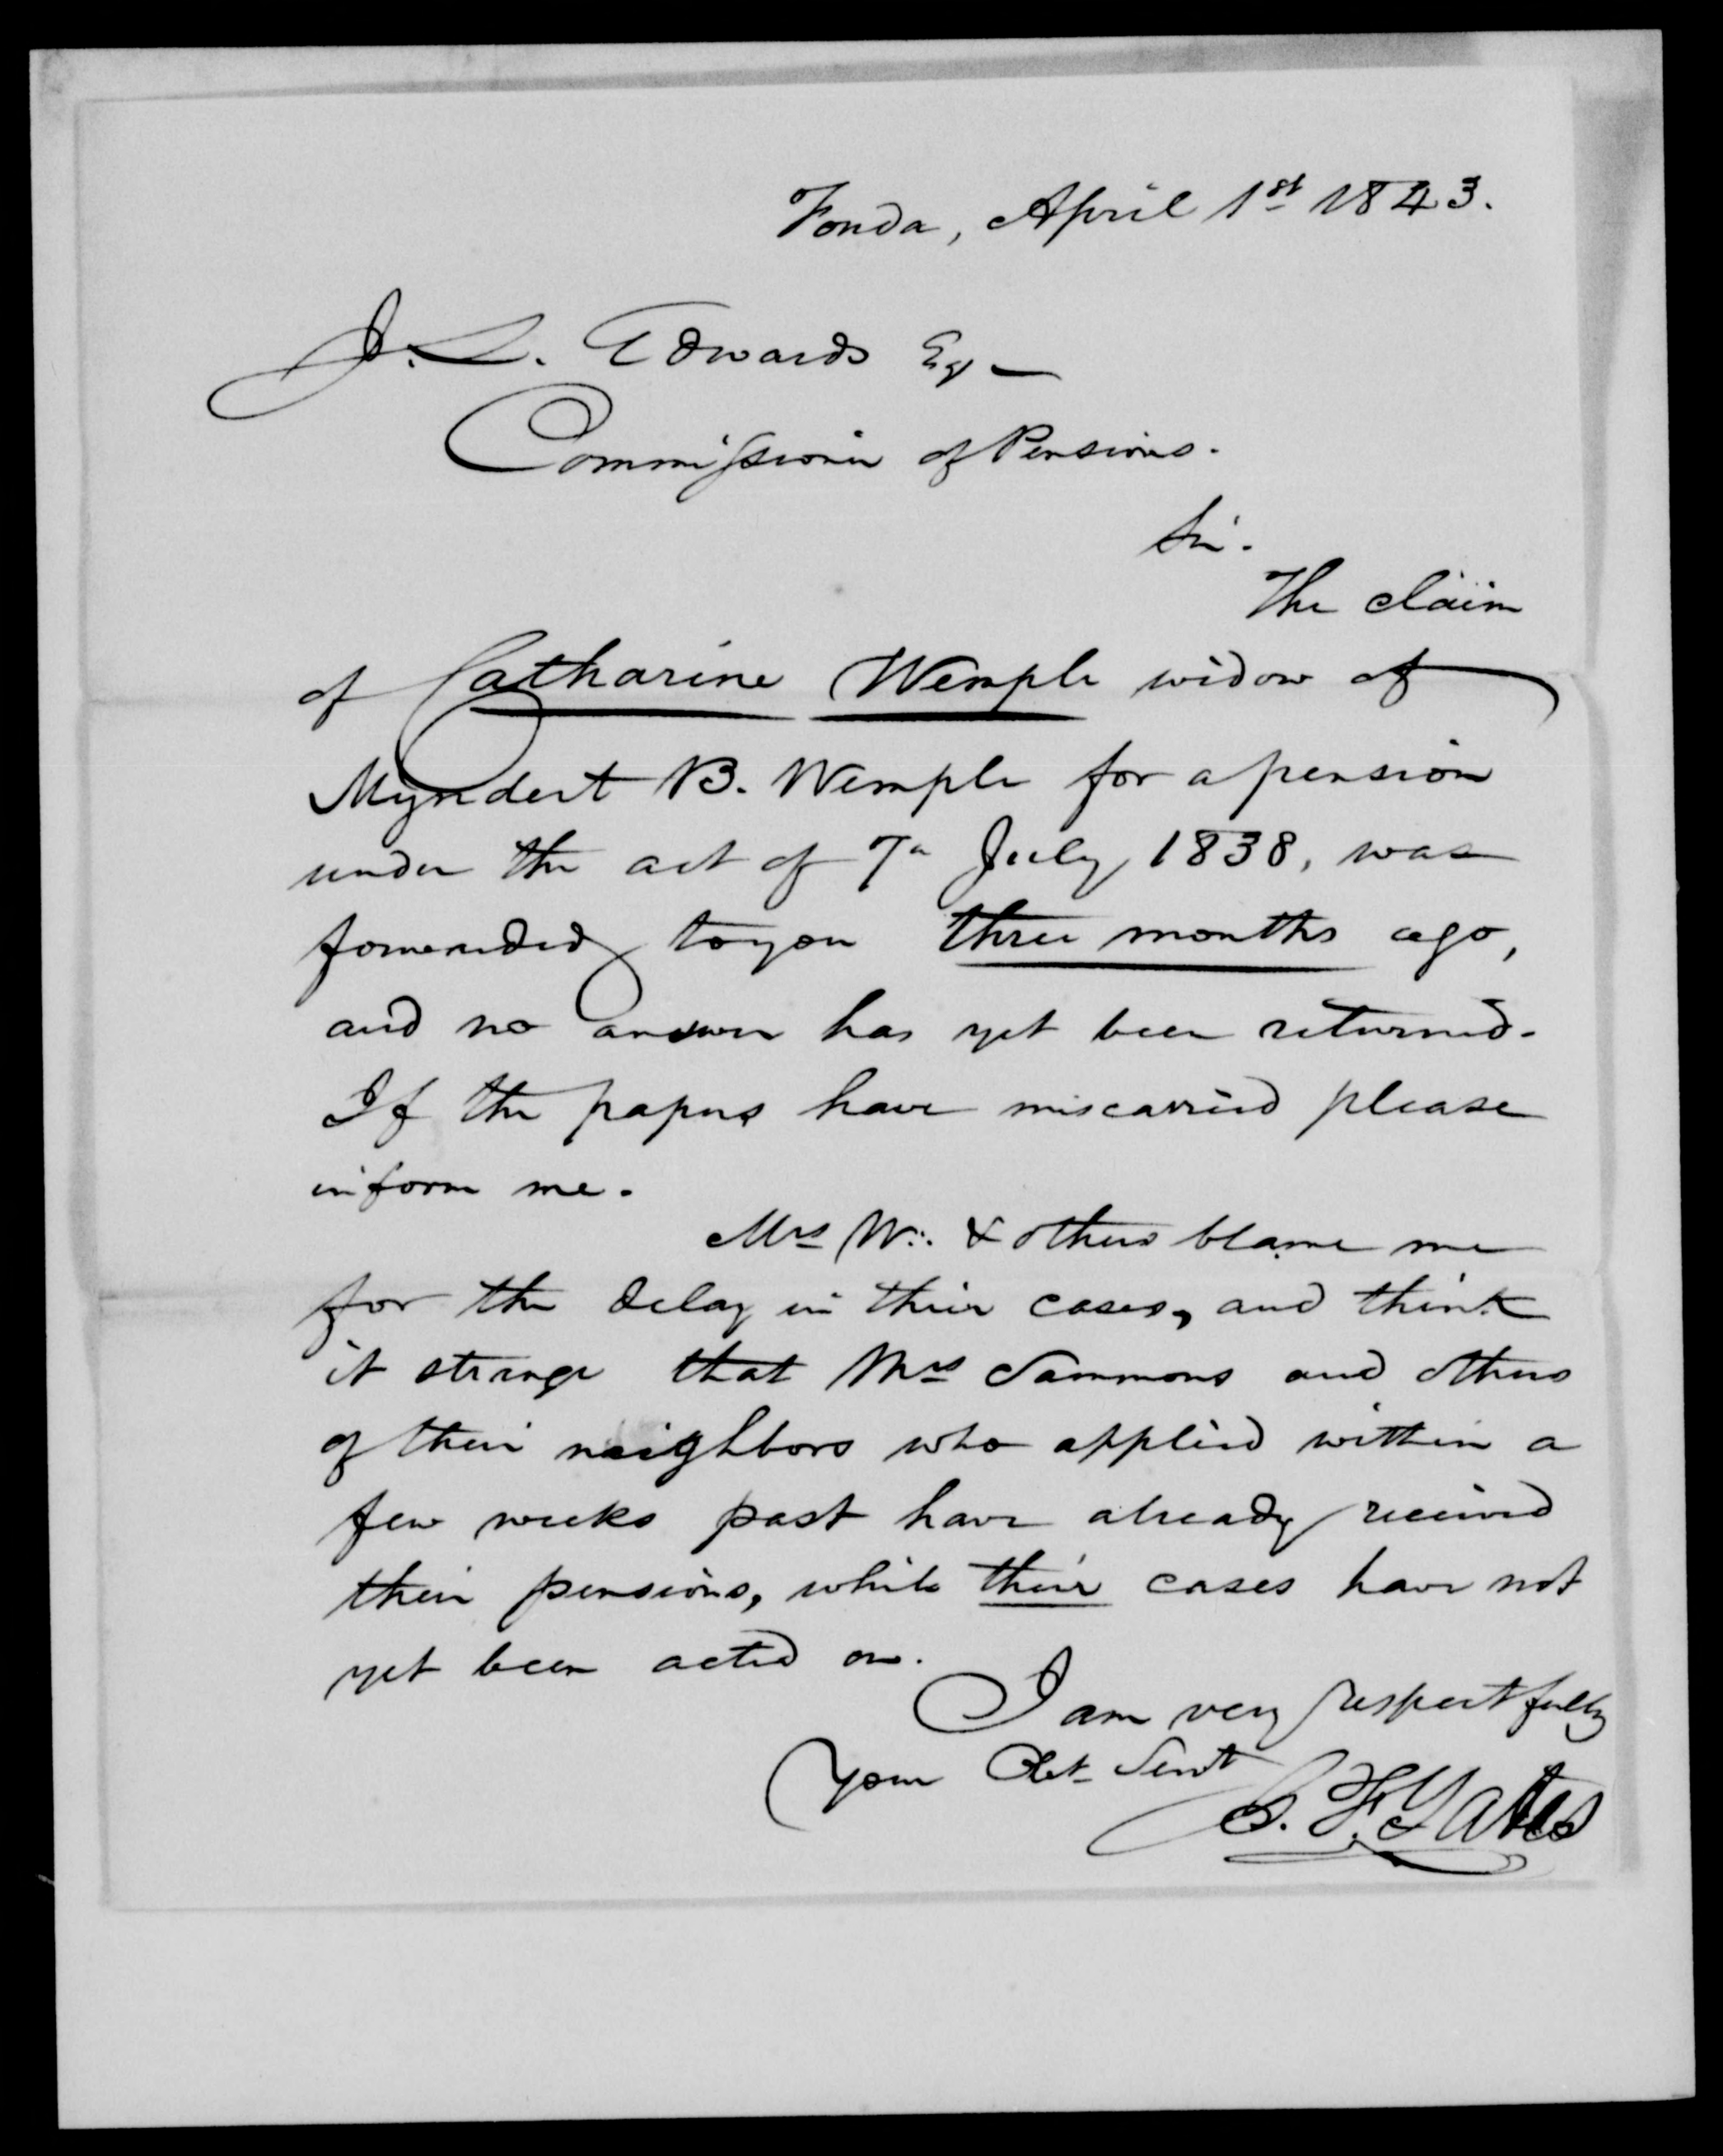Fonda, April 1st 1843.
L. Edwards Esq-
Commissioner of Pensions.

Sir:
The claim
of Catharine Wemple widow of
Myndert B Wemple for a pension
under the act of 7th July 1838, was
forwarded to you three months ago,
and no answer has yet been returned.
If the papers have miscarried please
inform me.
Mrs W. & others blame me
for the delay in their cases, and think
it strange that Mrs Sammons and others
of their neighbors who applied within a
few weeks past have already received
their pension, while their cases have not
yet been acted on.

I am very respectfully
Your Obt Sert
G.F. Yates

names: Catharine Wemple, J L Edwards, Sammons, G F Yates, Myndert B Wemple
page: 29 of 51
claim: widow's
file: W. 19604, Myndert B Wemple, New York